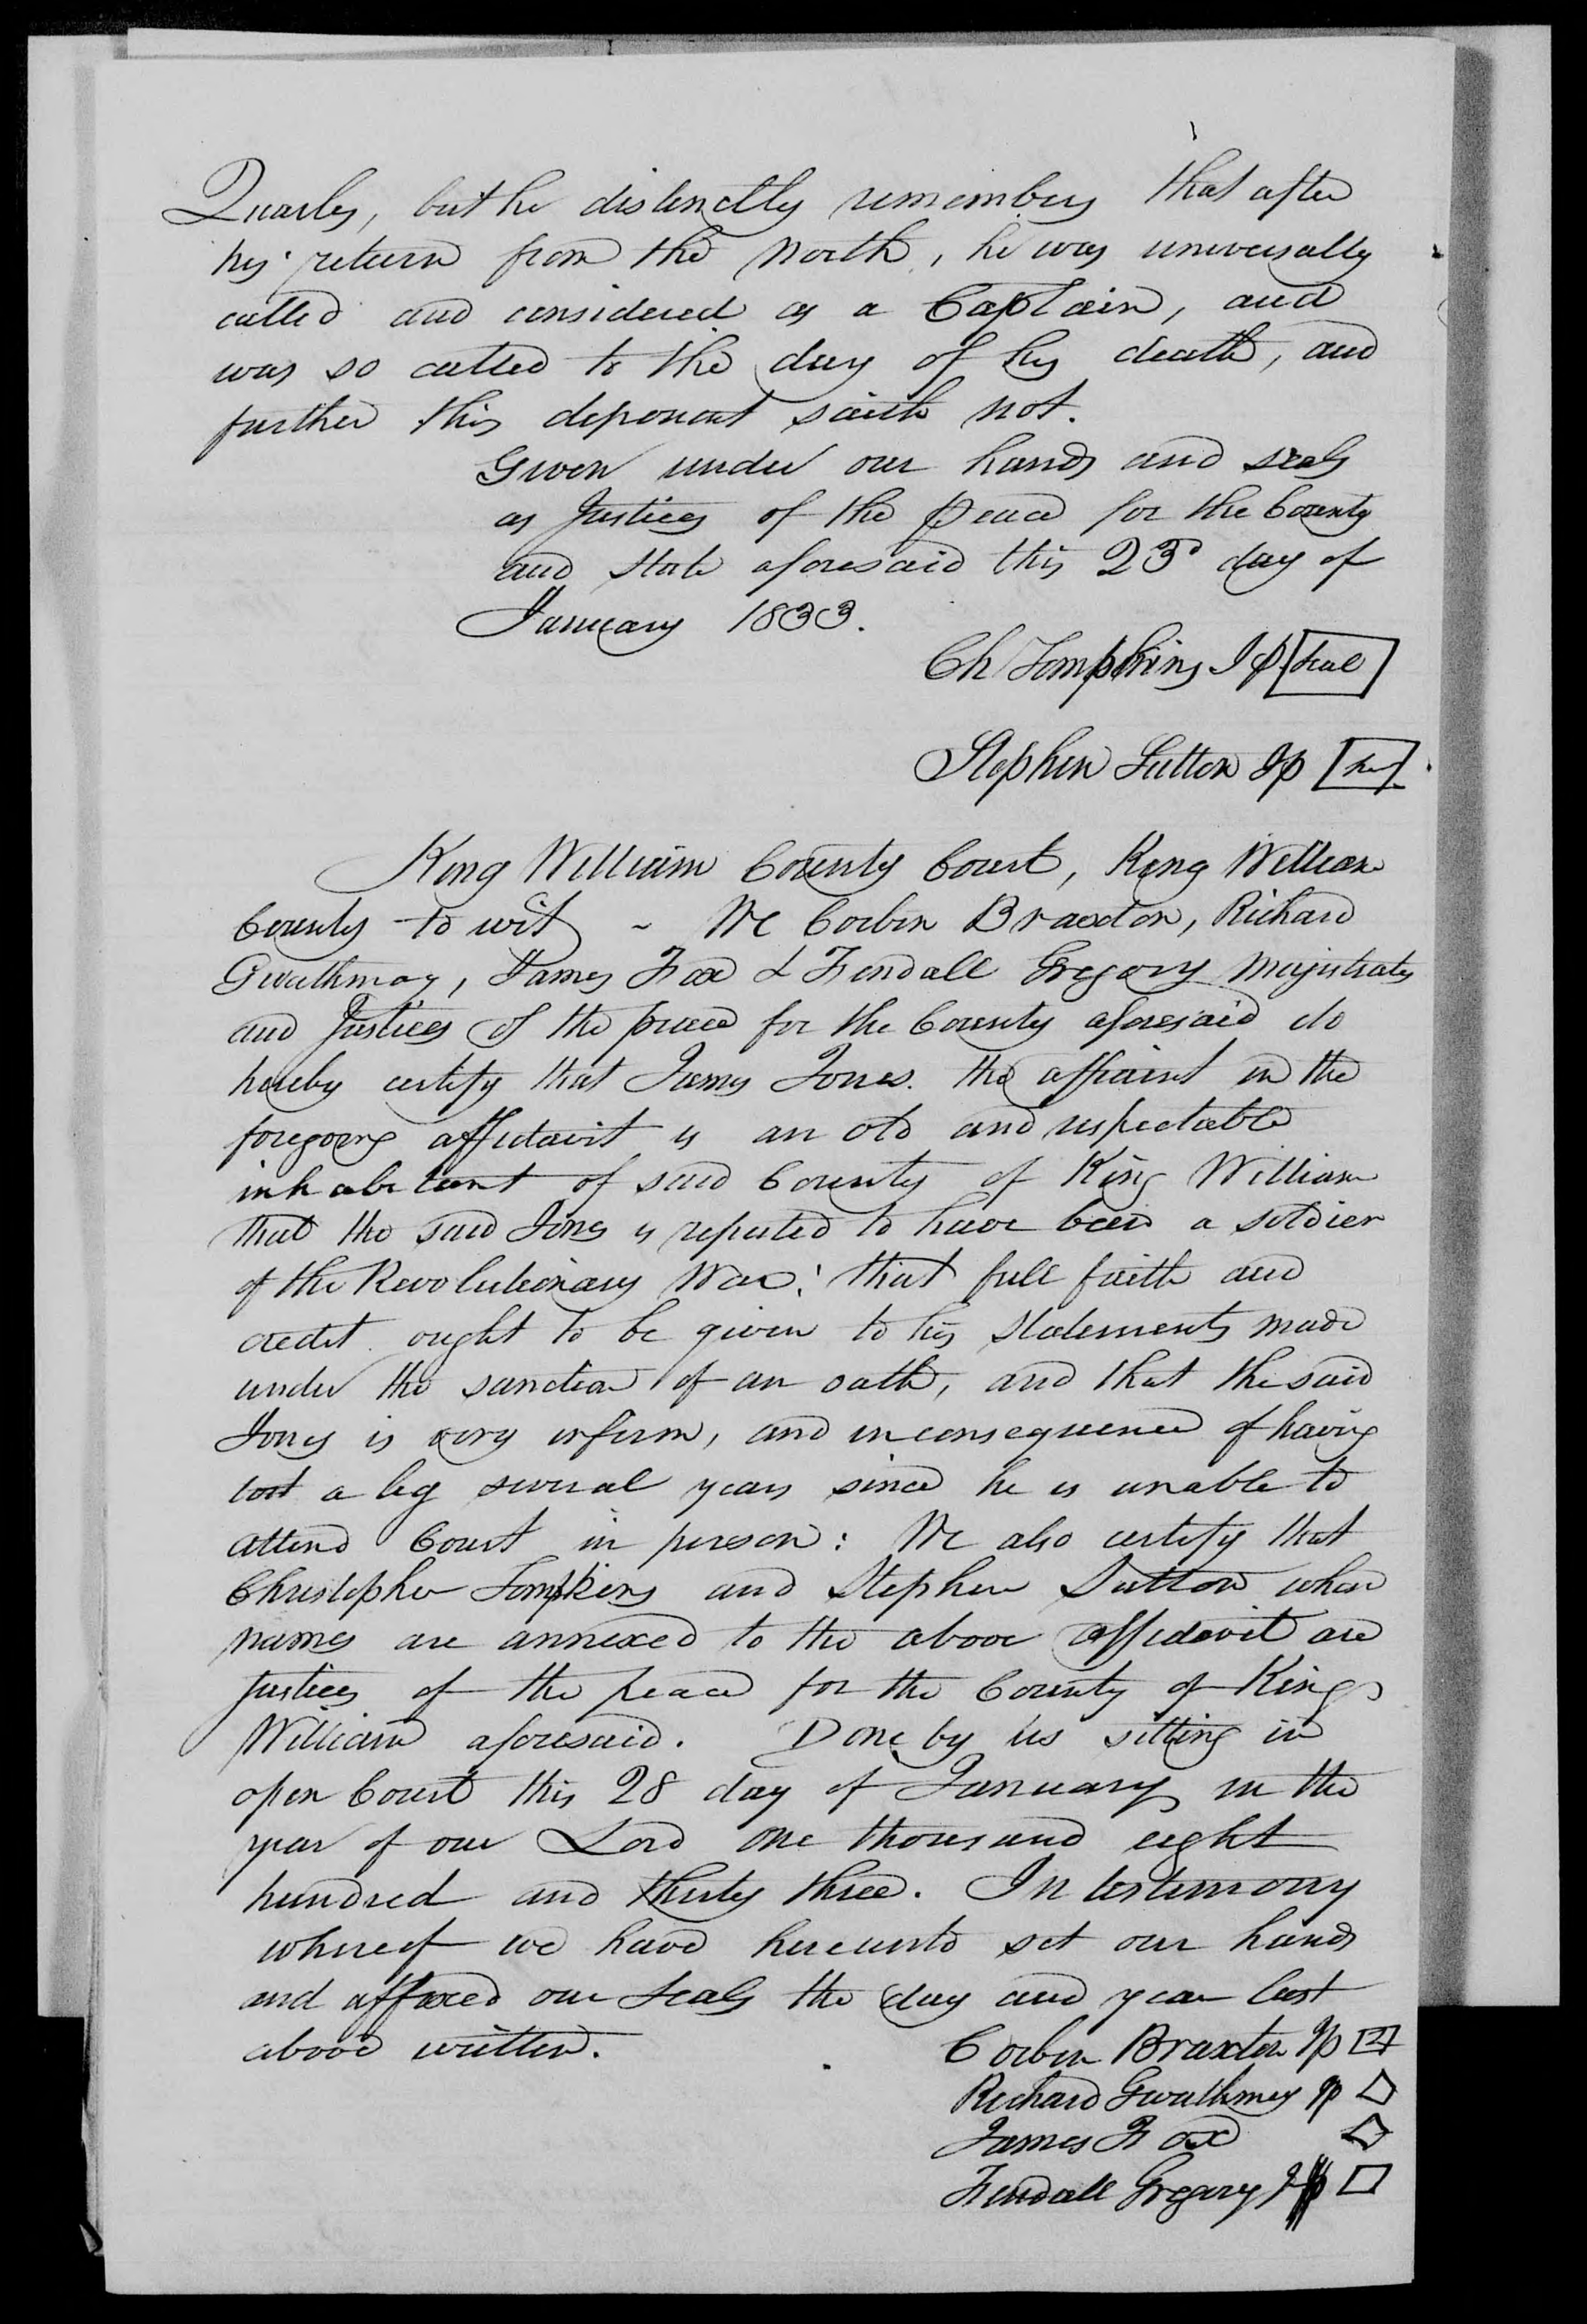Quarles, but he distinctly remembers that after his return from the North, he was universally called and considered as a Captain, and was so called to the day of his death, and further this deponent saith not.

Given under our hands and seals as Justices of the Peace for the County and the state aforesaid this 23d day of January 1833. 
Ch Tompkins JP [seal]
Stephen Sutton JP [seal]

King William County Court, King William County to wit ~ We Corbin Brasdon, Richard Gwathmay, James Fox & Kendall Gregory magistrates and justices of the peace for the County aforesaid do hereby certify that James Jones, the affiant in the foregoing affidavit is an old and respectable inhabitant of said county of King William that the said Jones is reputed to have been a soldier of the Revolutionary War: that full faith and credit ought to be given to his statements made under the sanction of an oath, and that the said Jones is very infirm, and in consequences of having lost a leg several years since he is unable to attend Court in person: We also certify that Christopher Tompkins and Stephen Sutton whose names are annexed to the above affidavit are Justices of the peace for the County of King William aforesaid. Done by his sitting in open court this 28 day of January in the year of our Lord one thousand eight hundred and thirty three. In testimony whereof we have hereunto set our hands and affixed our seals the day and year last above written. 
Corbin Braxton JP
Richard Gwathmay JP
James Fox
Kendall Gregory JP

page: 5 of 22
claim: rejected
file: R. 17251, for Thomas Quarles, Virginia